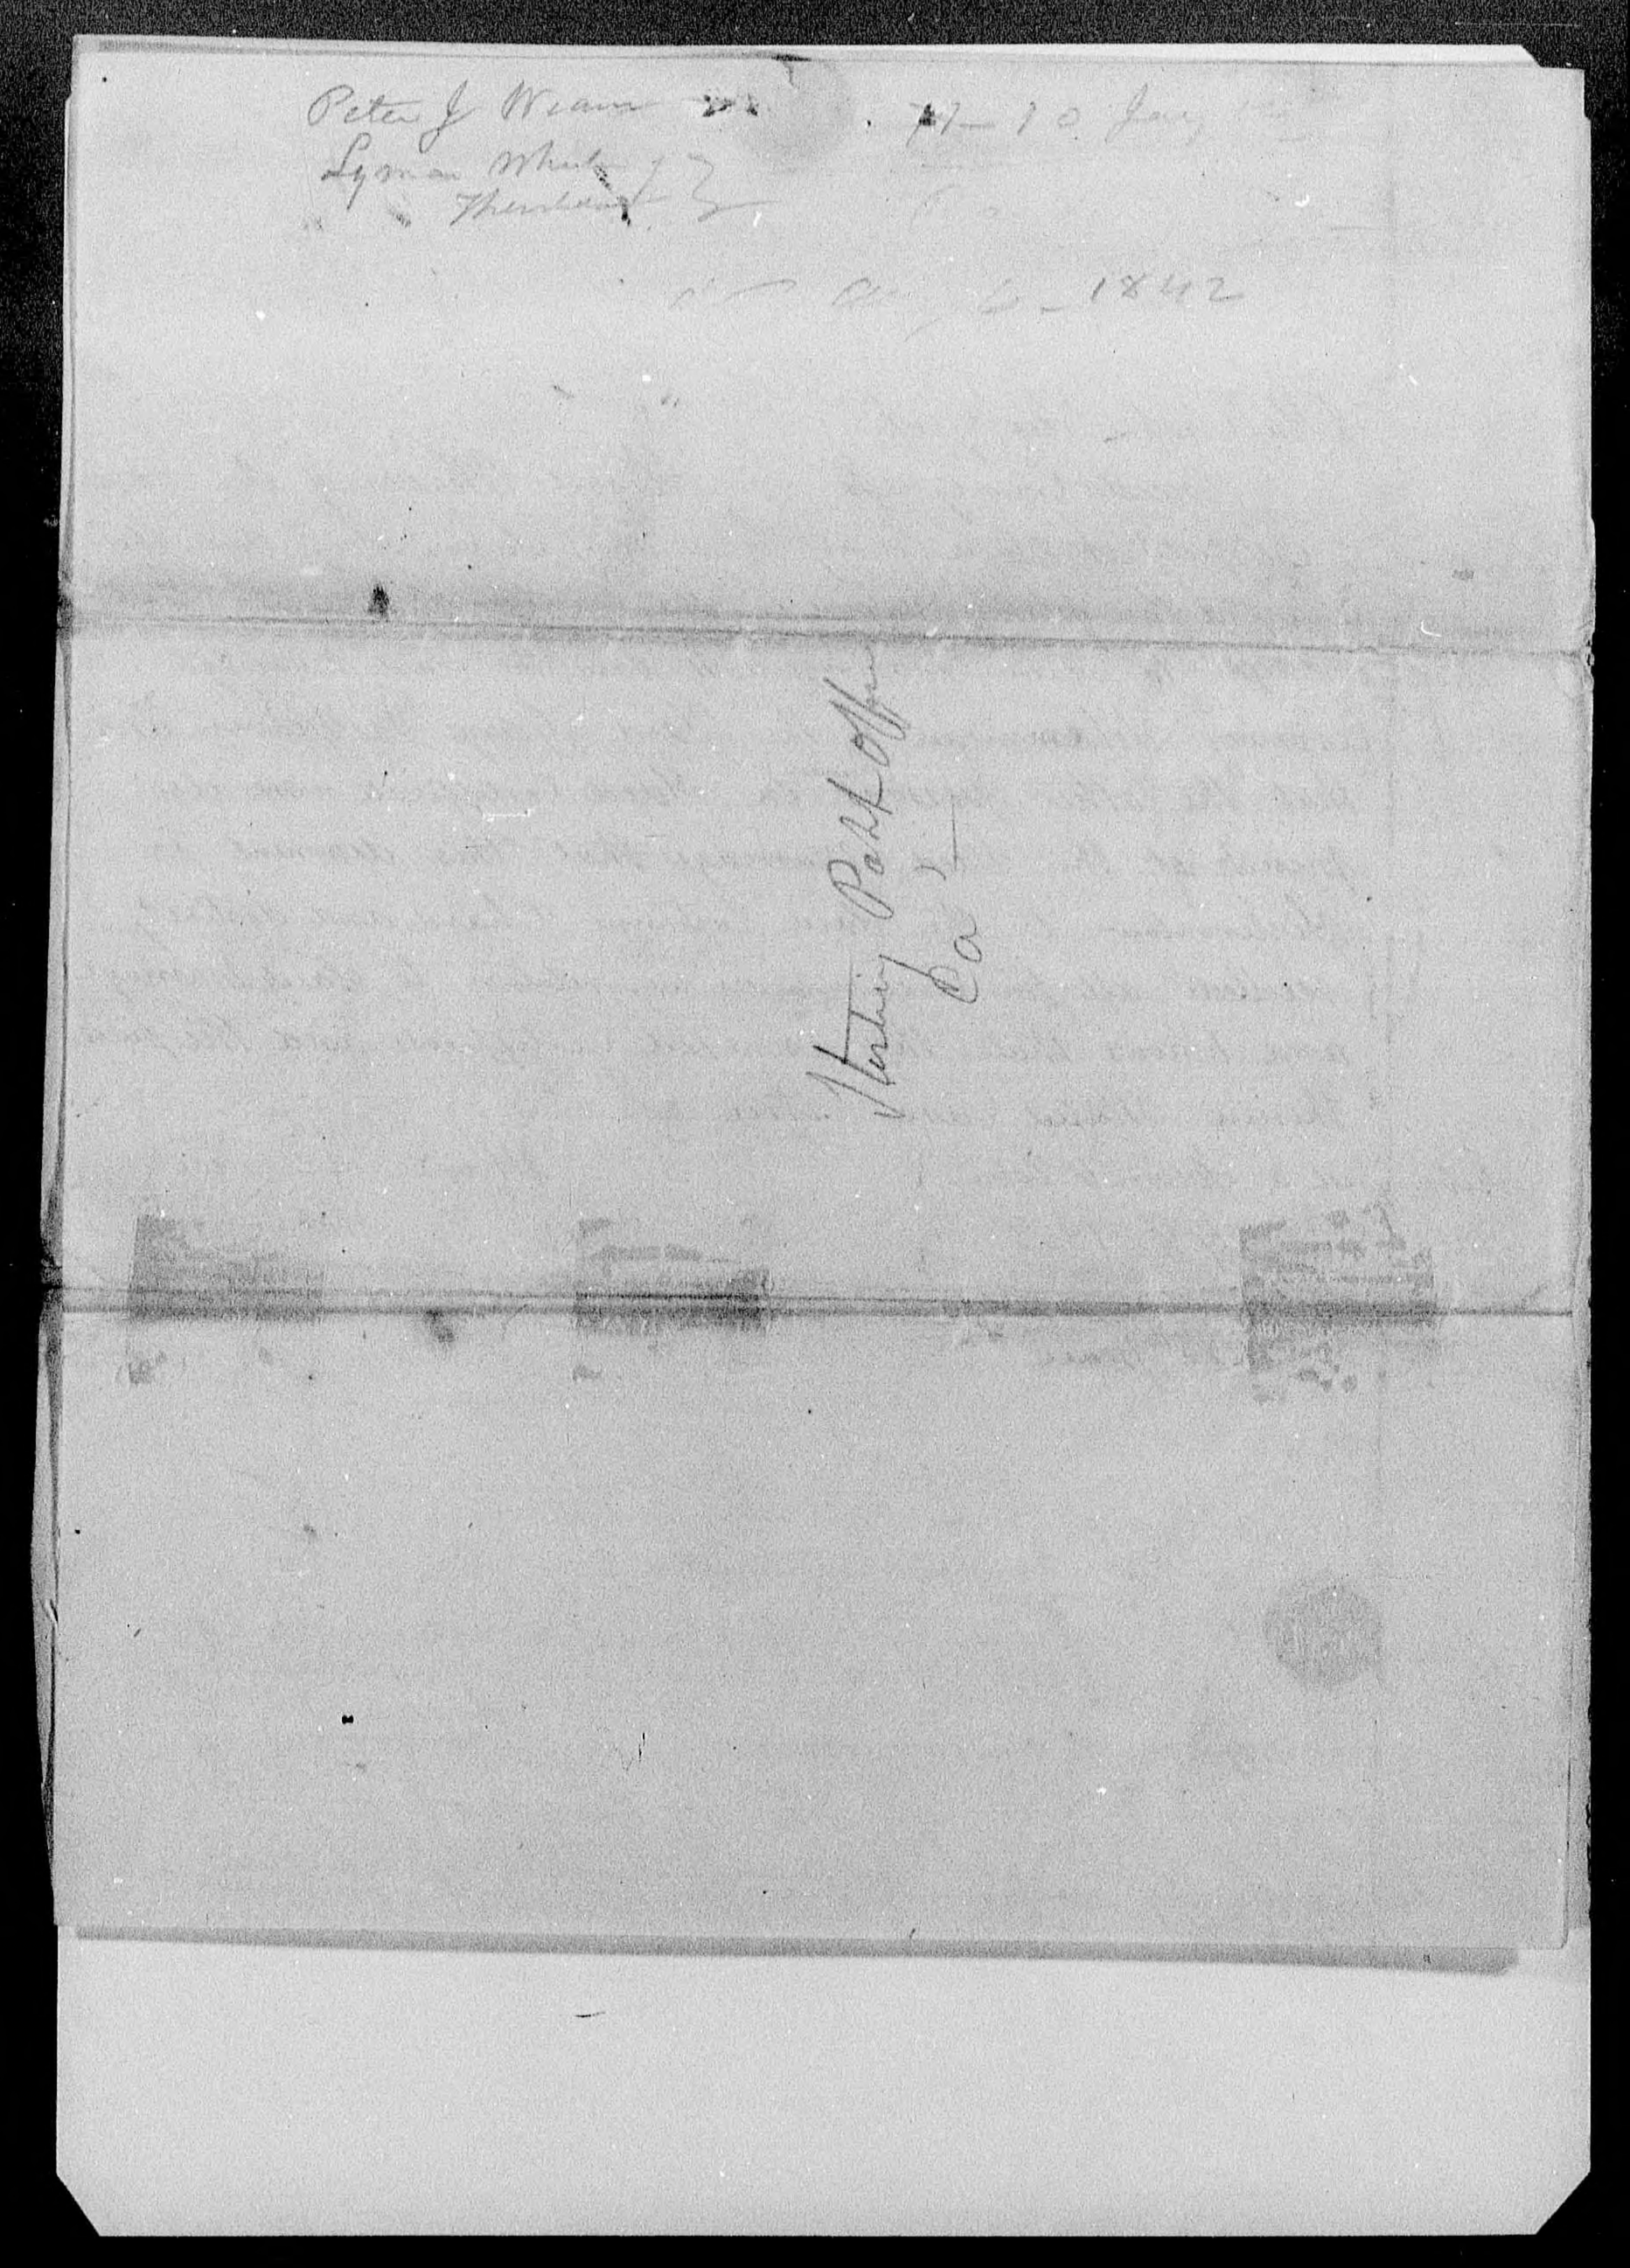Peter J Weaver  79-10 Jany
Lyman Wheeler}
[illegible- Thersborough?]}
act Aug 6-1842

Crosswise:
Sterling [?] Post Office
Ca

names: Lyman Wheeler, Peter J Weaver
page: 17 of 47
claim: widow's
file: W. 10,602, Barce Chard, New York.